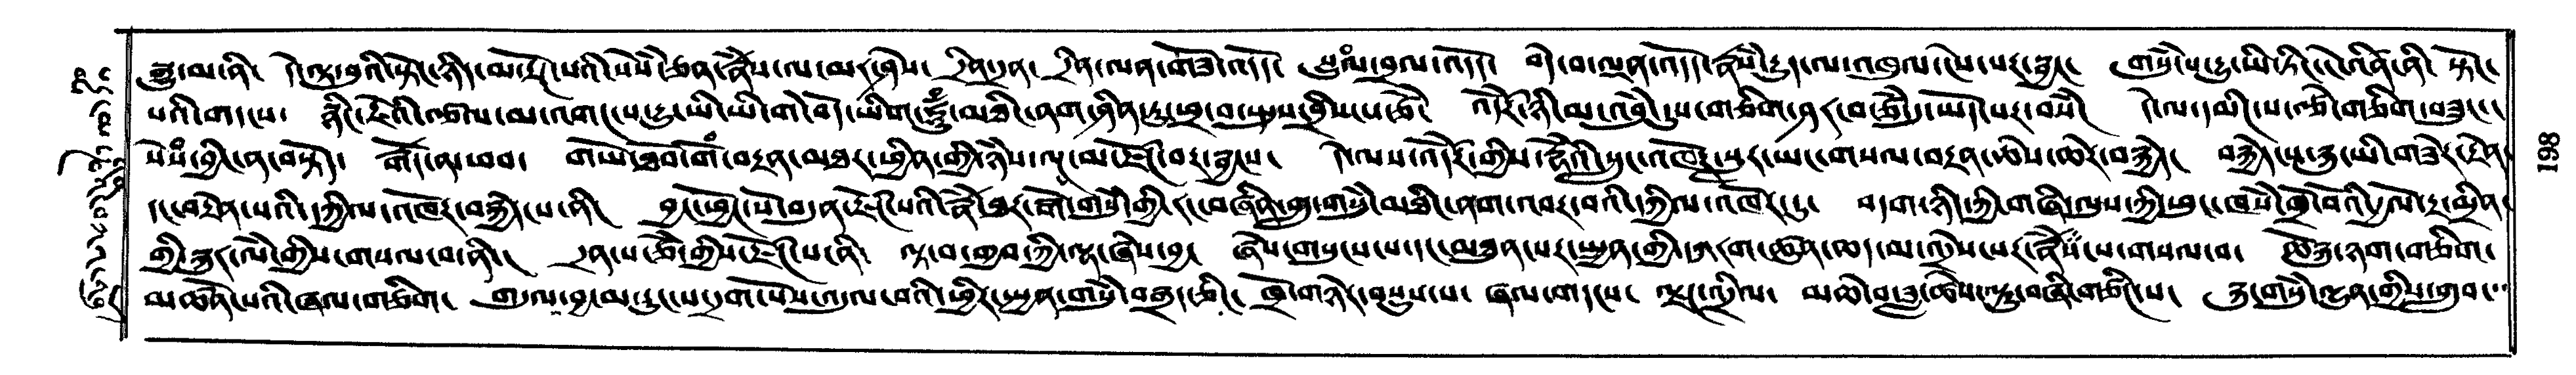སྒྱུ་མ་ནི། དེ་ལྟ་བུའི་སྟོང་ཉིད་མ་རྟོགས་པའི་སེམས་ཅན་རྣམས་ལ་མར་ཤེས། དྲིན་དྲན། དྲིན་ལན་གཟོ་འདོད། སྡུག་བསྔལ་བྲལ་འདོད། བདེ་བ་ལྡན་འདོད་རྣམས་རྒྱུད་འཁུལ་ངེས་པར་སྦྱང་། གསུམ་པ་རྒྱུའི་ཏིང་ངེ་འཛིན་ནི། སྟོང་
པའི་གདངས། སྙིང་རྗེའི་རྩལ་མ་འགགས་པ་རྒྱུའི་ཡི་གེ་བོད་ཡིག་ཧཱུྃ་མཐིང་ནག་ཤིན་ཏུ་ཕྲ་བ་སྤུས་བྲིས་པ་ཙམ། འོད་ཟེར་ཉི་མ་འབུམ་དུས་གཅིག་ལ་ཤར་བ་ཙམ་དུ་ཡོད་པར་བསམ། དེ་ལ་དམིགས་པ་རྩེ་གཅིག་བཟུང་། 
སེམས་བྱིང་ན་བསྟོད། རྒོད་ན་ཕབ། གཡོ་ཐོབ་གོམས་བརྟན་མཐར་ཕྱིན་གྱི་ཉམས་ལྔ་མ་རྫོགས་བར་སྦྱངས། དེ་ལས་འོད་ཟེར་གྱིས་རྡོ་རྗེའི་སྲུང་འཁོར་སླར་ཡང་གསལ་བརྟན་ཆེས་ཆེར་བསྐྱེད། བསྐྱེད་པ་སྐུའི་གཟེར་རྟེན་
དང་བརྟེན་པའི་དཀྱིལ་འཁོར་བསྐྱེད་པ་ནི། བྱང་ཕྱོགས་སོ་བདུན་རྫོགས་པའི་རྣམ་ཐར་སྒོ་གསུམ་གྱི་རང་བཞིན་གྲུ་གསུམ་མཐིང་ནག་འབར་བའི་དཀྱིལ་འཁོར་དུ།བདག་ཉིད་གཞི་ལུས་ཀྱི་ཕུང་ཁམས་ཁྲོ་བོའི་རྒྱལ་པོ་རྟ་མགྲིན་
གྱི་སྐུར་ལམ་གྱིས་གསལ་བ་ནི། དྲན་པ་ཙམ་གྱིས་རྫོགས་པ་ལྟ་བ་གྱད་ཀྱི་ལྷ་ཞེས་བྱ། ཞེས་གསུངས་པ་དང་མཐུན་པར་སྤྱན་གྱི་དཀར་ནག་ཚུན་ཆད་མ་འདྲེས་པར་རྣམ་པ་གསལ་བ། ཆོས་སྐུ་ཉག་གཅིག་
མཚོན་པའི་ཞལ་གཅིག གདུལ་བྱ་མ་རུང་པ་དྲག་པོས་འདུལ་བའི་ཕྱིར་སྤྱན་གསུམ་བསྒྲད་ཅིང་། ཁྲོ་གཉེར་བསྡུས་པ། ཞལ་གདངས། ལྗགས་འདྲིལ། མཆེ་བ་ཟླ་ཚེས་ལྟ་བུ་བཞི་གཅོགས་པ། སྐུ་གསུམ་ལྷུན་གྱིས་གྲུབ་